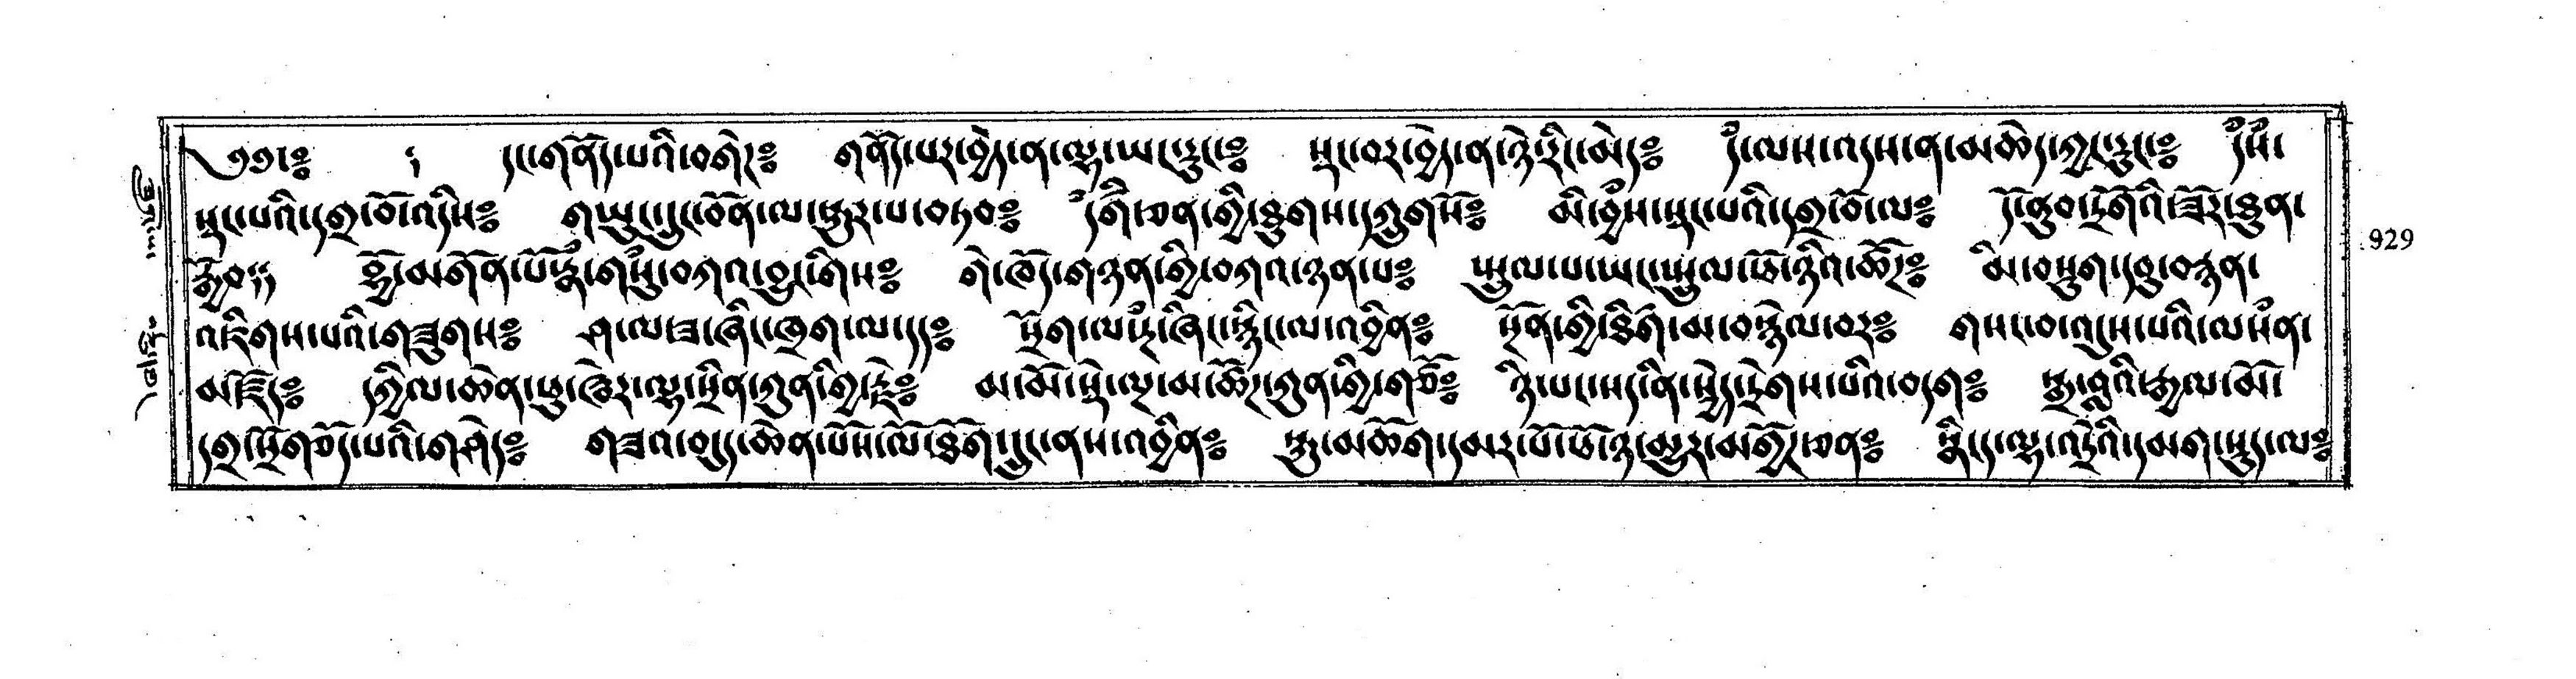དང་གནོད་པའི་བགེགས༔ གནོད་པར་བྱེད་ན་ལྷ་ཡང་རུང་༔ སྡང་བར་བྱེད་ན་ཉེ་རིང་མེད༔ དམ་ལས་འདས་ན་མཆེད་ཀྱང་རུང་༔ དམ་ཉམས་
སྡང་པའི་དགྲ་བོ་འདིས༔ གཡུང་དྲུང་བོན་ལ་སྐུར་པ་བཏབ༔ དམ་ཚིག་ཅན་གྱི་ཐུགས་དཀྲུགས་སོ༔ མི་བྱམས་སྡང་པའི་དགྲ་བོ་ལ༔ དོ་ནུབ་དྲག་པོའི་ཟོར་ཐུན་
རྒྱོབས༔ བྷྱོ་མགོན་པོ་རྣམ་གསུམ་བཀའ་བྱུང་གིས༔ གེ་ཁོད་གཉན་གྱི་བཀའ་ཉན་པ༔ སྤྲུལ་པ་ཡང་སྤྲུལ་ཕོ་ཉའི་ཚོགས༔ མི་བསྡུག་དབུ་བརྙན་
འཇིགས་པའི་གཟུགས༔ ཤ་ལ་ཟ་ཞིང་ཁྲག་ལ་དད༔ སྲོག་ལ་རྔམ་ཞིང་སྙིང་ལ་འབྱིན༔ སྔོན་གྱི་ཐ་ཚིག་མ་བསྙེལ་བར༔ གསང་བ་འདུས་པའི་ལས་མཁན་
མཛོད༔ དཀྱིལ་ཆེན་ཕུ་ཝེར་ལྷ་སྲིན་ཀུན་གྱི་རྗེ༔ མ་མོ་སྡེ་ལྔ་མ་ཚོགས་ཀུན་གྱི་གཙོ༔ ཉི་པང་སད་ནི་སྡེ་བརྒྱད་དྲེགས་པའི་བདག༔ སྒྲ་བླའི་རྒྱལ་མོ་
དགྲ་སྲོག་གཅོད་པའི་གཤེད༔ གཟའ་བདུད་ཆེན་པོས་ལོ་ཐོག་དྲུང་ནས་འབྱིན༔ སྐུ་མཆོག་དམར་པོ་ཕོ་ཉ་མྱུར་མགྱོགས་ཅན༔ སྣང་སྲིད་ལྷ་འདྲེའི་དམག་སྡུད་ལ༔